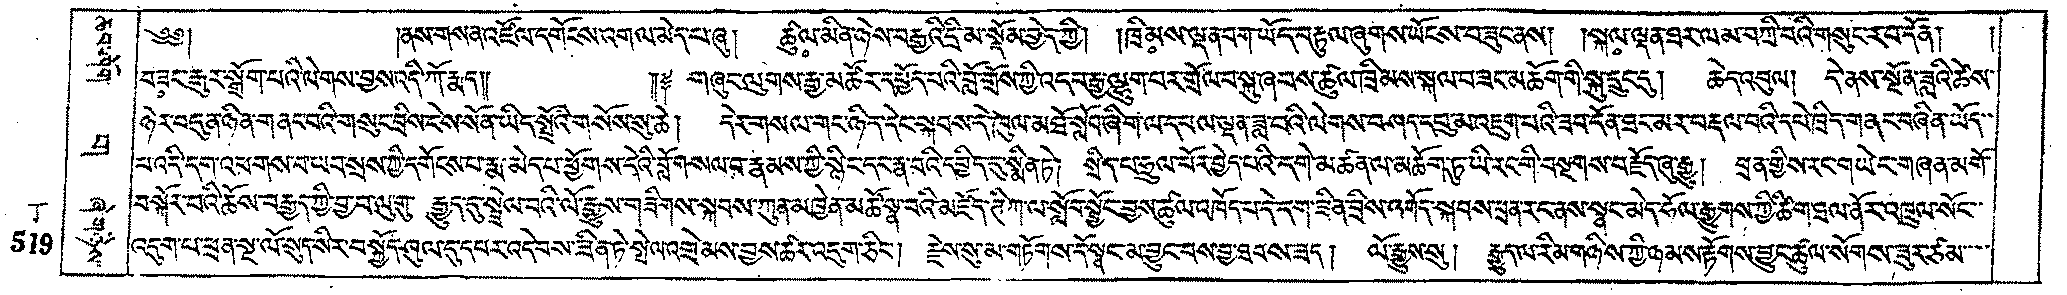༄༅། །ནས་གསན་འཛོལ་དགོངས་འགལ་མེད་པ་ཞུ། ཚུལ྾་མིན་ཉེས་བརྒྱའི་དྲི་མ་སྡོམ་བྱེད་ཀྱི། །ཁྲིམས྾་ལྡན་བག་ཡོད་བརྟུལ་ཞུགས་ཡོངས་བཟུང་ནས། །སྐལ྾་ལྡན་ཐར་ལམ་བཀྲི་བའི་གསུང་རབ་དོན། །
བཟང྾་རྒུར་སྒྲོག་པའི་ལེགས་བྱས་འདི་ཀོ་རྨད།། །། འ་གཞུང་ལུགས་རྒྱ་མཚོར་དཔྱོད་པའི་བློ་གྲོས་ཀྱི་འདབ་རྒྱ་ལྷུག་པར་གྲོལ་བ་སྐུ་ཞབས་ཚུལ་ཁྲིམས་སྐལ་བཟང་མཆོག་གི་སྐུ་དྲུང་དུ། ཆེད་འབུལ། དེ་ནས་སྔོན་ཟླའི་ཚེས་
ཉེར་བདུན་ཉིན་གནང་བའི་གསུང་བྲིས་ངེས་སོན་ཡིད་སྤྲོའི་གསོས་སུ་ཆེ། དེར་གསལ་གང་ཉིད་དེང་སྐབས་དེ་ཁུལ་མཐོ་སློབ་ཞིག་ལ་དཔལ་ལྡན་ཟླ་བའི་ལེགས་བཤད་དབུ་མ་འཇུག་པའི་ཟབ་དོན་ཐང་མར་བརྡལ་བའི་དཔེ་ཁྲིད་གནང་བཞིན་ཡོད་་་
པ་འདི་དག་འཕགས་པ་ཡབ་སྲས་ཀྱི་དགོངས་པ་རྨ་མེད་པ་ཕྱོགས་དེའི་བློ་གསལ་བ་རྣམས་ཀྱི་སྙིང་དང་རྣ་བའི་དཔྱིད་དུ་སྨིན་ཏེ། སྲིད་པ་ཧྲུལ་པོར་བྱེད་པའི་དགེ་མཚན་ལ་མཆོག་ཏུ་ཡི་རང་གི་བསྔགས་བརྗོད་ཞུ་རྒྱུ། ཕྲན་གྱིས་རང་གཡེང་གཞན་མགོ་
བསྐོར་བའི་ཆོས་བརྒྱད་ཀྱི་བྱ་བ་ལུ་གུ་རྒྱུད་དུ་སྦྲེལ་བའི་ལོ་རྒྱུས་གཟིགས་སྐབས་ཀུན་མཁྱེན་མཚོ་སྣ་བའི་མཛོད་ཊིཀ་ལ་སློབ་སྦྱོང་བྱས་ཚུལ་འཁོད་པ་དེ་དག་ཟིན་བྲིས་འགོད་སྐབས་ཕྲན་རང་ནས་སྣང་མེད་ཧོལ་རྒྱུགས་ཀྱི་ཚིག་ཐལ་ནོར་འཁྲུལ་སོང་་་
འདུག་པ་ཕྲན་སྔ་ལོ་སུད་སིར་བསྐྱོད་ཤུལ་དུ་དཔར་འདེབས་ཟིན་ཏེ་སྤེལ་འགྲེམས་བྱས་ཚར་འདུག་ཅིང་། རྗེས་སུ་མ་གཏོགས་དོ་སྣང་མ་བྱུང་བས་བྱ་ཐབས་ཟད། ལོ་རྒྱུས་སུ། རྒྱུད་ལ་རིམ་གཉིས་ཀྱི་ཉམས་རྟོགས་བྱུང་ཚུལ་སོགས་ཟུར་ཙམ་་་